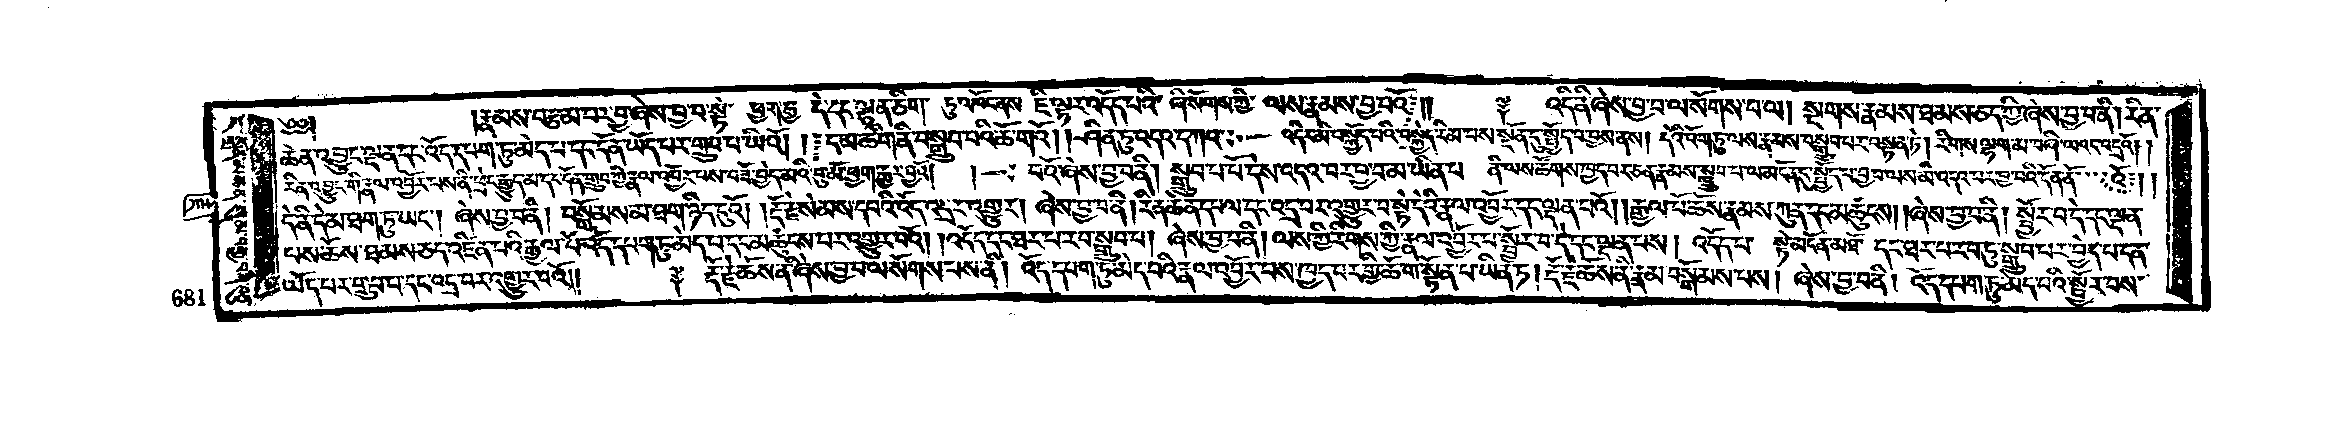༄༅། །རྣམས་བརྩམ་པར་བྱ་ཞེས་བྱ་བ་སྟེ། ཕྱག་རྒྱ་དེ་དང་ལྷན་ཅིག་ཏུ་འཁོང་ནས་ཇི་ལྟར་འདོད་པའི་ཞི་སོགས་ཀྱི་ལས་རྣམས་བྱ་བའོ།། ༈ འདི་ནི་ཞེས་བྱ་བ་ལ་སོགས་པ་ལ། སྔགས་རྣམས་ཐམས་ཅད་ཀྱི་ཞེས་བྱ་བ་ནི། རིན་
ཆེན་འབྱུང་ལྡན་དང་འོད་དཔག་ཏུ་མེད་པ་དང་དོན་ཡོད་པར་གྲུབ་པ་ཡིའོ། །དམ་ཚིག་ནི་བསྒྲུབ་པའི་ཆོ་གའོ། །ཤིན་ཏུ་འདའ་དཀའ་H.་འདིར་མི་བསྐྱོད་པའི་བསྐྱེད་རིམ་པས་སྔོན་དུ་སྤྱོད་པ་བྱས་ནས། དེའི་འོག་ཏུ་ལས་རྣམས་བསྒྲུབ་པར་བསྟན་ཏེ། རིགས་ལྷག་མ་བཞི་ལའང་འདྲའོ།།
རིན་འབྱུང་གི་རྣལ་འབྱོར་པས་ནི་ཕྲེང་རྒྱུད་མ་དང་དོན་གྲུབ་ཀྱི་རྣལ་འབྱོར་པས་བཟོ་བྱེད་མའི་བུ་མོ་ཕྱག་རྒྱར་བྱའོ། །.H བའོ་ཞེས་བྱ་བ་ནི། སྒྲུབ་པ་པོ་དེས་འདའ་བར་བྱ་བ་མ་ཡིན་པ་ནི་ལས་ཚོགས་ཁྱད་པར་ཅན་རྣམས་སྒྲུབ་པ་ལ་མངོན་དུ་སྤྱོད་པ་བྱ་བ་ལས་མི་འདའ་བར་བྱ་བའི་དོན་ནོའོ། །
དེ་ནི་དེ་མ་ཐག་ཏུ་ཡང་། ཞེས་བྱ་བ་ནི། བསྒོམས་མ་ཐག་ཉིད་དུའོ། །རྡོ་རྗེ་སེམས་དཔའི་འོད་འདྲར་འགྱུར། ཞེས་བྱ་བ་ནི། རིན་ཆེན་དཔལ་དང་འདྲ་བར་འགྱུར་བ་སྟེ་དེའི་རྣལ་འབྱོར་དང་ལྡན་པའོ། །རྒྱལ་པོ་ཆོས་རྣམས་ཀུན་དང་མཚུངས། ཞེས་བྱ་བ་ནི། སྦྱོར་བ་དེ་དང་ལྡན་
པས་ཆོས་ཐམས་ཅད་འཛིན་པའི་རྒྱལ་པོ་འོད་དཔག་ཏུ་མེད་པ་དང་མཚུངས་པར་འགྱུར་བའོ། །འདོད་དང་ཐར་པ་རབ་སྒྲུབ་པ། ཞེས་བྱ་བ་ནི། ལས་ཀྱི་རིགས་ཀྱི་རྣལ་འབྱོར་པ་སྦྱོར་བ་དེ་དང་ལྡན་པས། འདོད་པ་སྟེ་མངོན་མཐོ་དང་ཐར་པ་རབ་ཏུ་སྒྲུབ་པར་བྱེད་པ་དོན་
ཡོད་པར་གྲུབ་པ་དང་འདྲ་བར་འགྱུར་བའོ།། ༈ རྡོ་རྗེ་ཆོས་ནི་ཞེས་བྱ་བ་ལ་སོགས་པས་ནི། འོད་དཔག་ཏུ་མེད་པའི་རྣལ་འབྱོར་པས་ཁྱད་པར་གྱི་ཆོ་ག་སྟོན་པ་ཡིན་ཏེ། རྡོ་རྗེ་ཆོས་ནི་རྣམ་བསྒོམས་པས། ཞེས་བྱ་བ་ནི། འོད་དཔག་ཏུ་མེད་པའི་སྦྱོར་བས་